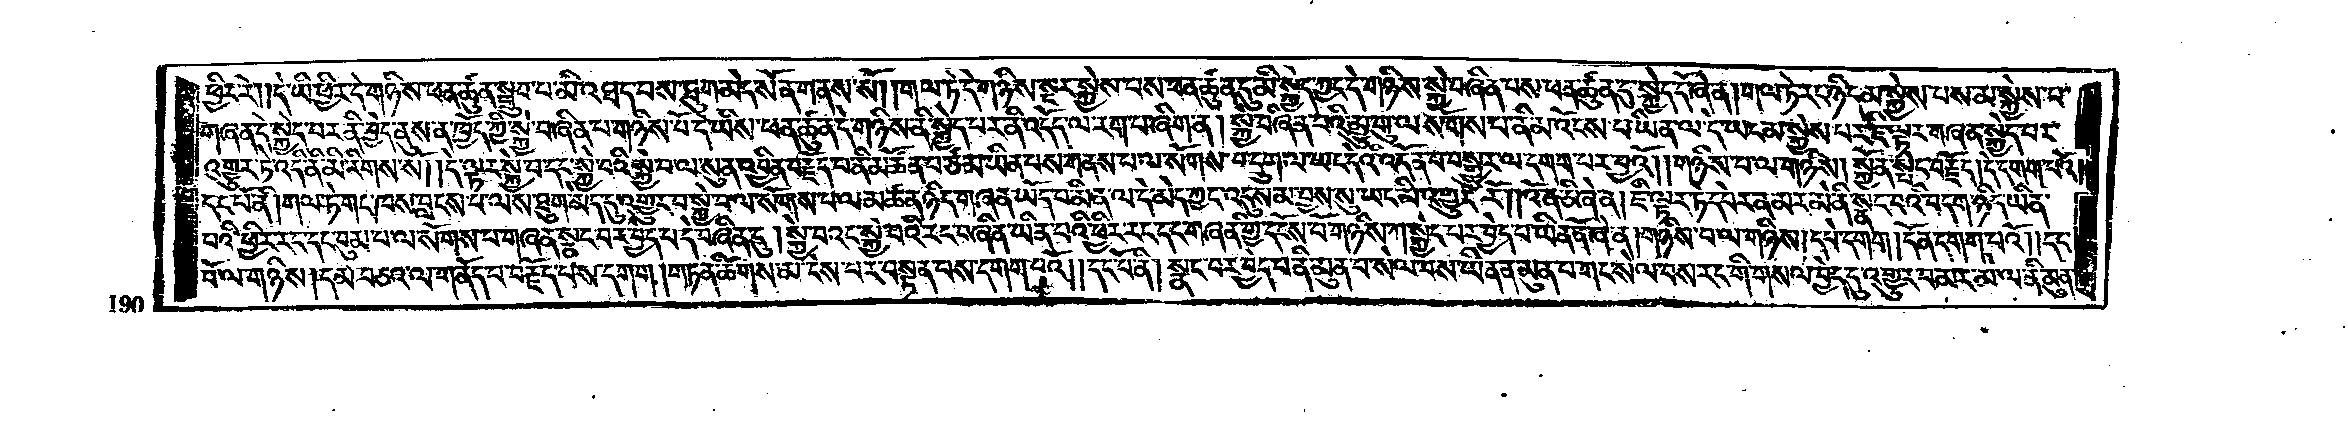ཕྱིར་རོ། །དེ་ཡི་ཕྱིར་དེ་གཉིས་ཕན་ཚུན་སྒྲུབ་པ་མི་འཐད་པས་ཐུག་མེད་སོ་ན་གནས་སོ། །གལ་ཏེ་དེ་གཉིས་སྔར་སྐྱེས་པས་ཕན་ཚུན་དུ་མི་སྐྱེད་ཀྱང་དེ་གཉིས་སྐྱེ་བཞིན་པས་ཕན་ཚུན་དུ་སྐྱེད་དོ་ཞེ་ན། གལ་ཏེ་རང་ཉིད་མ་སྐྱེས་པས་མ་སྐྱེས་པ་
གཞན་དེ་སྐྱེད་པར་ནི་བྱེད་ནུས་ན་ཁྱོད་ཀྱི་སྐྱེ་བཞིན་པ་གཉིས་པོ་དེ་ཡིས་ཕན་ཚུན་དེ་གཉིས་ནི་སྐྱེད་པར་ནི་འདོད་ལ་རག་པ་ཞིག་ན། སྐྱེ་བཞིན་པའི་མྱུ་གུ་ལ་སོགས་པ་ནི་མ་འོངས་པ་ཡིན་པ་ལ་དེ་ཡང་མ་སྐྱེས་བར་ཇི་ལྟར་གཞན་སྐྱེད་པར་
འགྱུར་ཏེ་འདི་ནི་མི་རིགས་སོ། །དེ་ལྟར་སྐྱེ་བ་དང་སྐྱེ་བའི་སྐྱེ་བ་ལ་ཚུན་འབྱིན་བརྗོད་པ་ནི་མཚོན་པ་ཙམ་ཡིན་པས་གནས་པ་ལ་སོགས་པ་དྲུག་ལ་ཡང་དེའི་འདོན་པ་བསྒྱུར་ལ་དགག་པར་བྱའོ། །གཉིས་པ་ལ་གཉིས། སྐྱོན་སྤོང་བརྗོད། དེ་དགག་པའོ། །
དང་པོ་ནི། གལ་ཏེ་གང་ཁས་བླངས་པ་ལས་ཐུག་མེད་དུ་འགྱུར་བ་སྐྱེ་བ་ལ་སོགས་པ་ལ་མཚན་ཉིད་གཞན་ཡོད་པ་མིན་ལ་དེ་མེད་ཀྱང་འདུས་མ་བྱས་སུ་ཡང་མི་འགྱུར་རོ། །འོ་ན་ཅི་ཞེ་ན། ཇི་ལྟར་ཏེ་དཔེར་ན་མར་མེ་ནི་སྣང་བའི་བདག་ཉིད་ཡིན་
པའི་ཕྱིར་རང་དང་བུམ་པ་ལ་སོགས་པ་གཞན་སྣང་བར་བྱེད་པ་དེ་བཞིན་དུ། སྐྱེ་བའང་སྐྱེ་བའི་རང་བཞིན་ཡིན་པའི་ཕྱིར་རང་དང་གཞན་གྱི་དངོས་པོ་གཉིས་ཀ་སྐྱེད་པར་བྱེད་པ་ཡིན་ནོ་ཞ་ན། གཉིས་པ་ལ་གཉིས། དཔེ་དགག། དོན་དགག་པའོ། །དང་
པོ་ལ་གཉིས། དམ་བཅའ་ལ་གནོད་པ་བརྗོད་པས་དགག ། གཏན་ཚིགས་མ་ངེས་པར་བསྟན་པས་དགག་པའོ། །དང་པོ་ནི། སྣང་བར་བྱེད་པ་ནི་མུན་པ་སེལ་བས་ཡིན་ན་མུན་པ་གང་སེལ་བས་རང་གི་གསལ་བྱེད་དུ་འགྱུར་བ་མང་མེ་ལ་ནི་མུན་